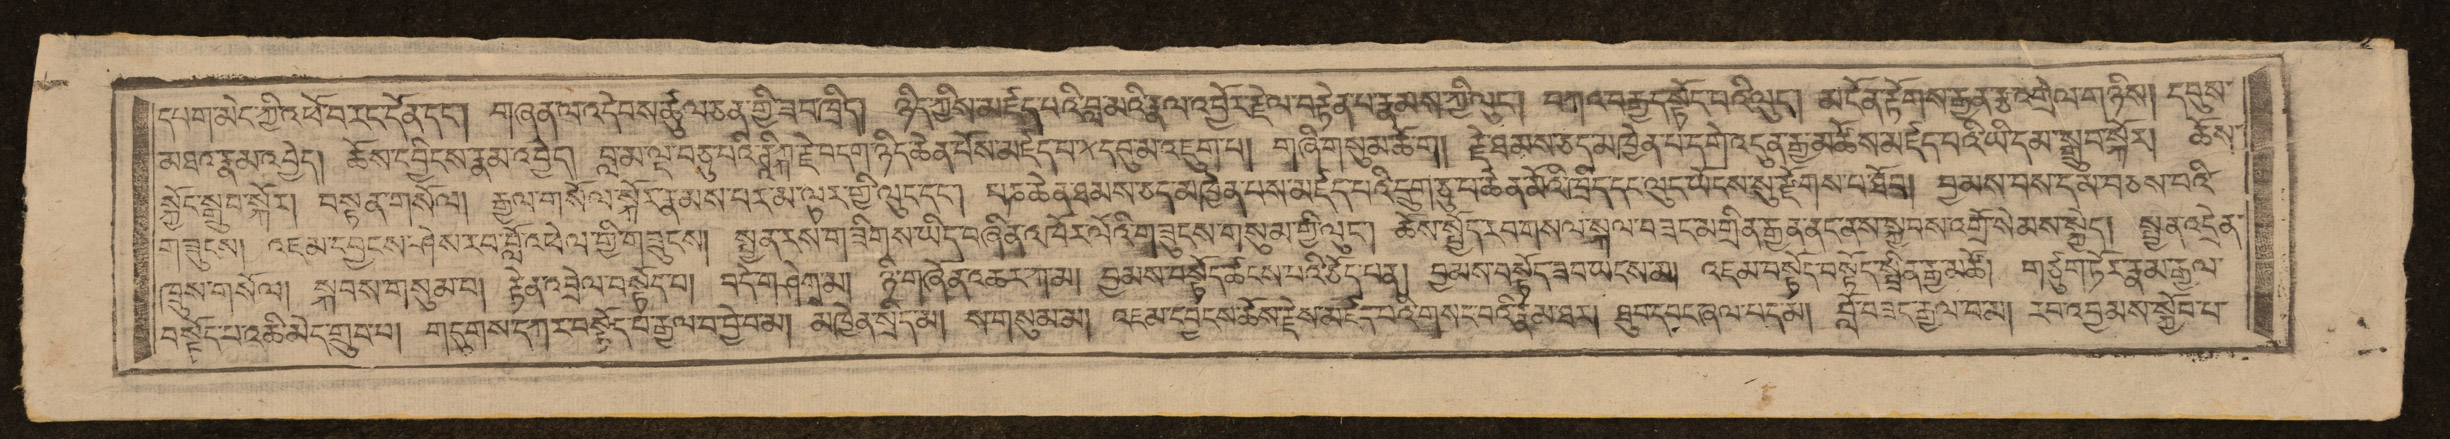དཔག་མེད་ཀྱི་འཕོ་བ་རང་དོན་དང་། གཞན་ལ་འདེབས་ཚུལ་ཅན་གྱི་ཟབ་ཁྲིད། ཉིད་ཀྱིས་མཛད་པའི་བླ་མའི་རྣལ་འབྱོར་རྗེ་ལ་བརྟེན་པ་རྣམས་ཀྱི་ལུང་། བཀའ་བརྒྱད་སྟོང་པའི་ལུང་། མངོན་རྟོགས་རྒྱན་རྩ་འགྲེལ་གཉིས། དབུས་
མཐའ་རྣམ་འབྱེད། ཆོས་དབྱིངས་རྣམ་འབྱེད། བླ་མ་ལྔ་བཅུ་པའི་ཊཱིཀྐ་རྗེ་བདག་ཉིད་ཆེན་པོས་མཛད་བ་དབུམ་འཇུག་པ། གཞི་གསུམ་ཆོ་ག། རྗེ་ཐམས་ཅད་མཁྱེན་པ་དགེ་འདུན་རྒྱ་མཚོས་མཛད་པའི་ཡི་དམ་སྒྲུབ་སྐོར། ཆོས་
སྐྱོང་སྤྲུབ་སྐོར། བསྟན་གསོལ། རྒྱལ་གསོལ་སྐོར་རྣམས་པར་མ་ལྟར་གྱི་ལུང་དང་། པཎ་ཆེན་ཐམས་ཅད་མཁྱེན་པས་མཛད་པའི་དྲུག་ཅུ་པ་ཆེན་མོའི་ཁྲིད་དང་ལུང་ཡོངས་སུ་རྫོགས་པ་ཐོབ། བྱམས་པས་དམ་བཅས་པའི་
གཟུངས། འཇམ་དབྱངས་ཤེས་རབ་བློ་འཕེལ་གྱི་གཟུངས། སྤྱན་རས་གཟིགས་ཡིད་བཞིན་འཁོར་ལོའི་གཟུངས་གསུམ་གྱི་ལུང་། ཆོས་སྤྱོད་རབ་གསལ་སྐལ་བཟང་མགྲིན་རྒྱན་ནང་ནས་སྐྱབས་འགྲོ་སེམས་སྐྱེད། སྤྱན་འདྲེན་
ཁྲུས་གསོལ། སྐབས་གསུམ་པ། རྟེན་འབྲེལ་བསྟོད་པ། བདེ་གཤེགས་མ། ཉི་གཞོན་འཆར་ཀ་མ། བྱམས་བསྟོད་ཚངས་པའི་ཅོད་པན། བྱམས་བསྟོད་ཟབ་ཡངས་མ། འཇམ་བསྟོད་བསྟོད་སྤྲིན་རྒྱ་མཚོ། གཙུག་ཏོར་རྣམ་རྒྱལ་
བསྟོད་པ་འཆི་མེད་གྲུབ་པ། གདུགས་དཀར་བསྟོད་པ་རྒྱལ་བ་བྱེ་བ་མ། མཁྱེན་སྲིད་མ། ས་གསུམ་མ། འཇམ་དབྱངས་ཆོས་རྗེས་མཛད་བའི་གསང་བའི་རྣམ་ཐར། ཐུབ་དབང་ཞལ་པད་མ། བློ་བཟང་རྒྱལ་བ་མ། རབ་འབྱམས་སྐྱོབ་པ་